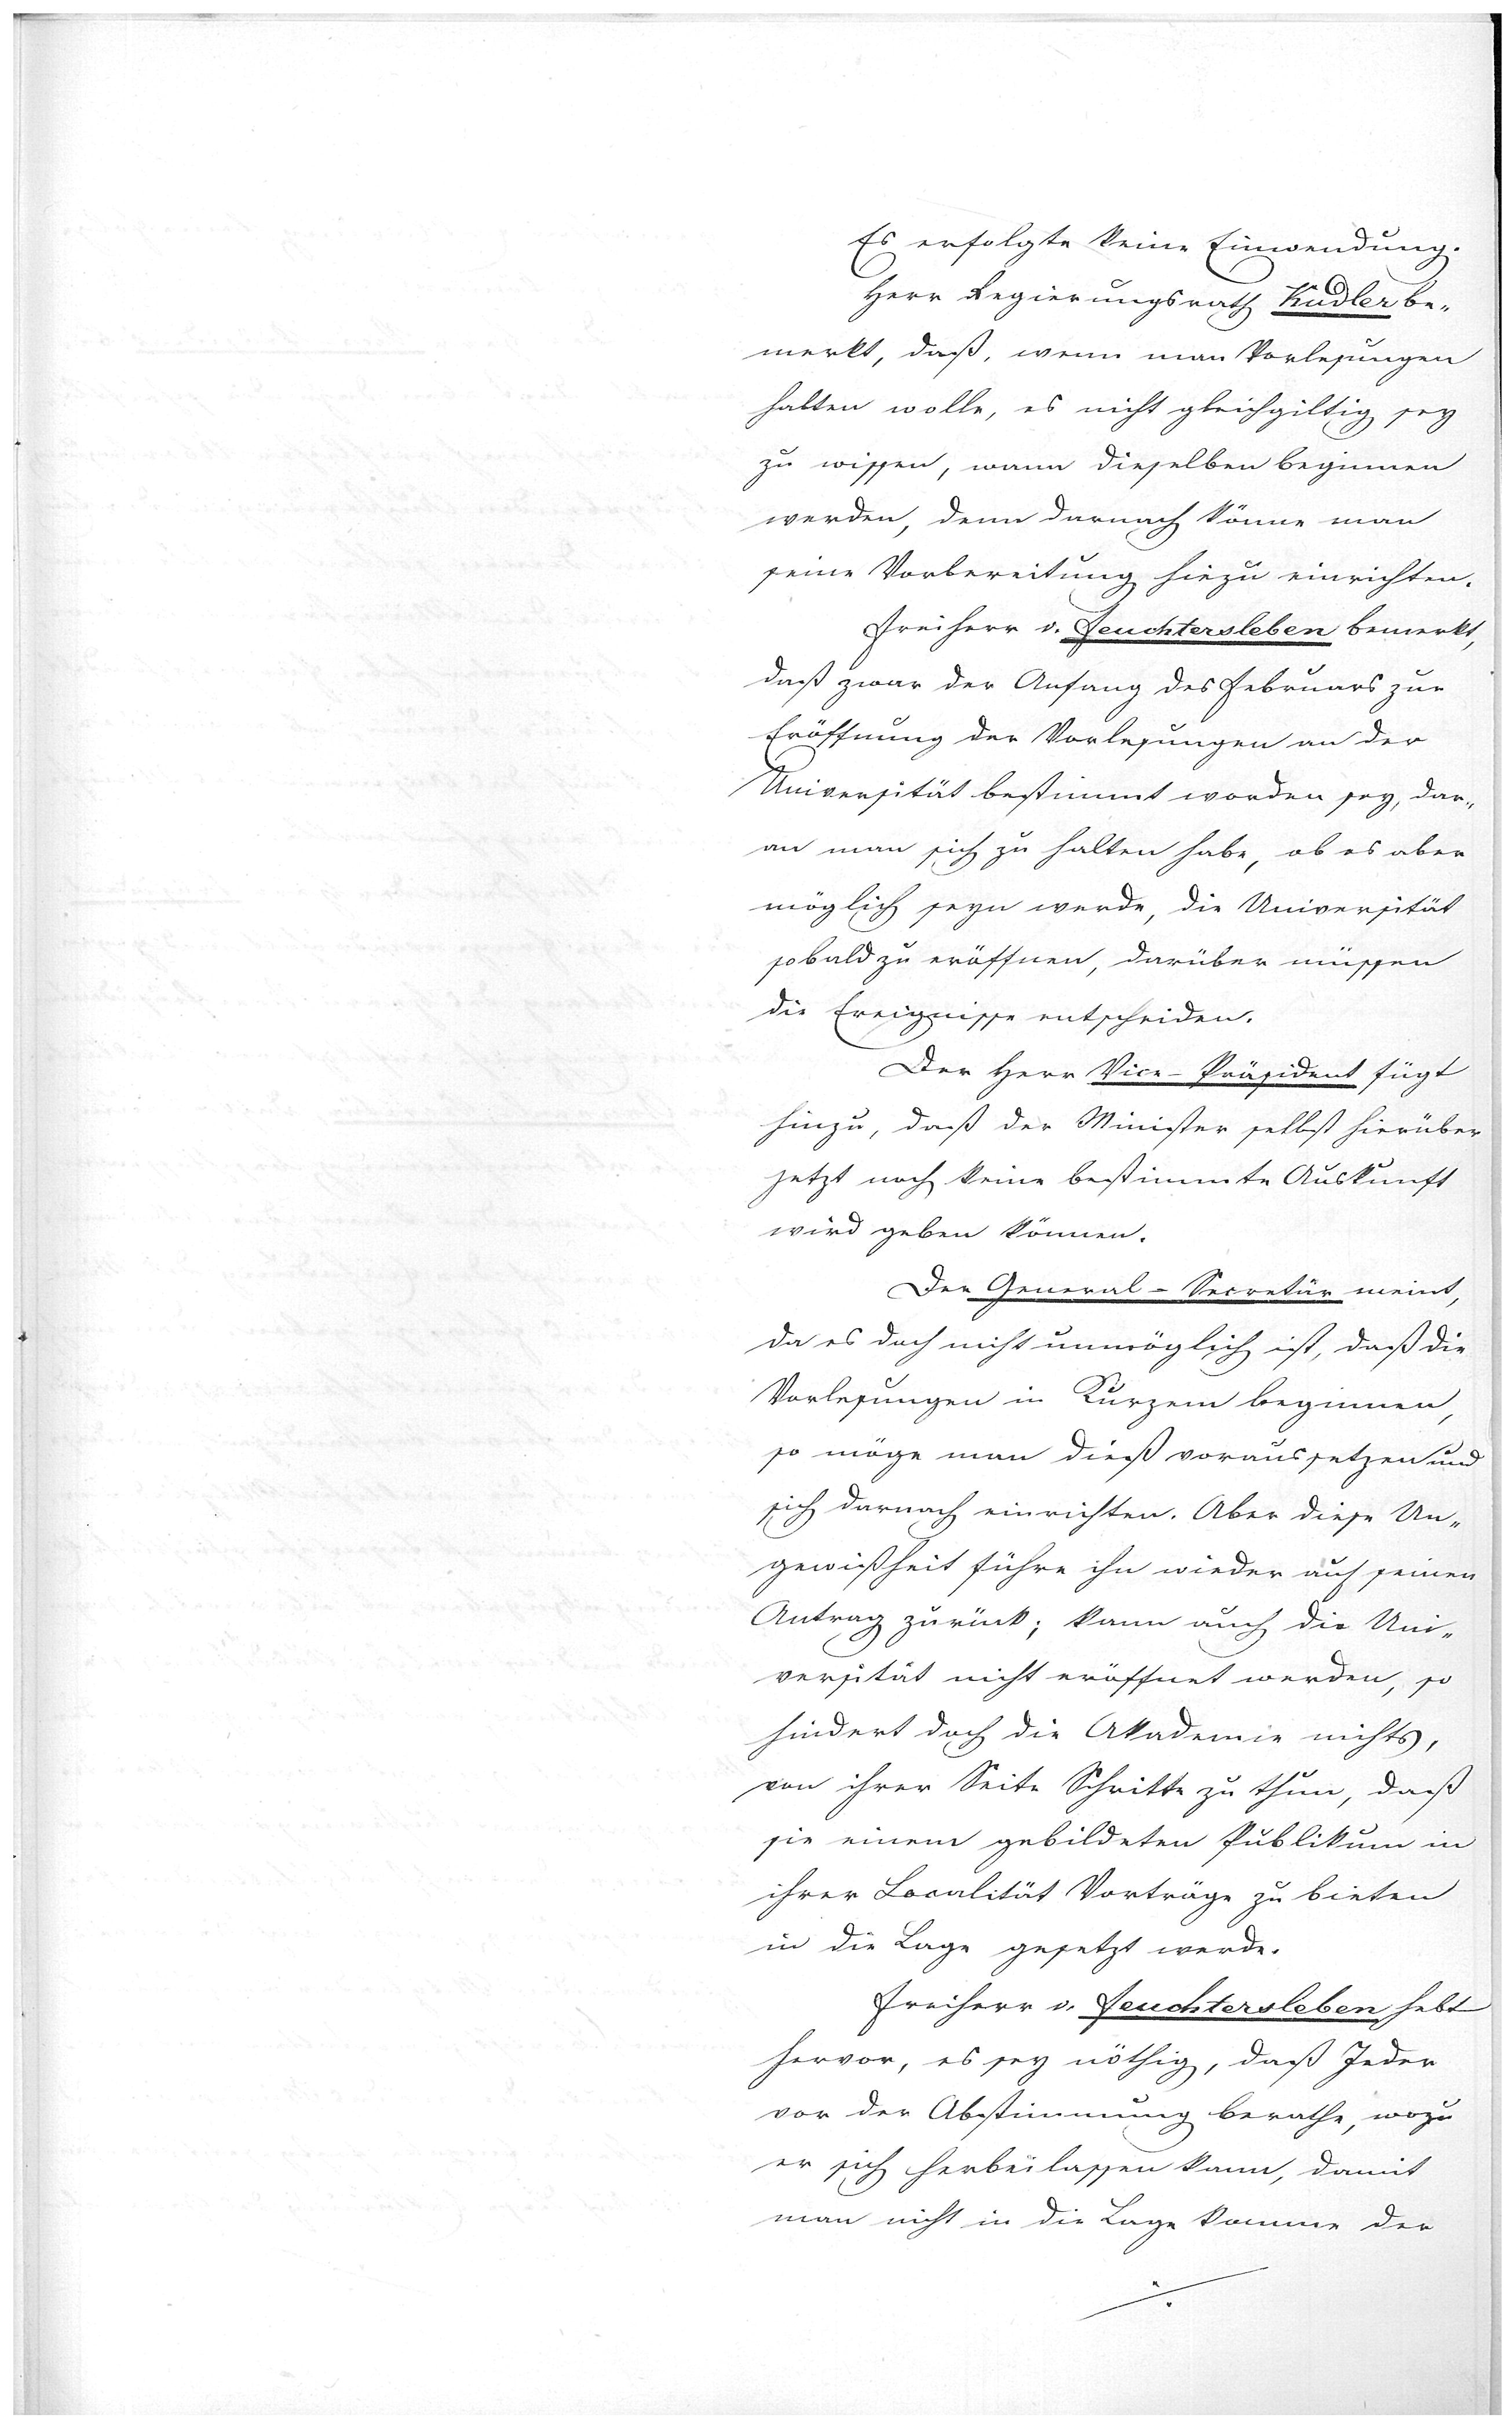Es erfolgte keine Einwendung.
Herr Regierungsrath Kudler be-
merkt, daß, wenn man Vorlesungen
halten wolle, es nicht gleichgiltig sey
zu wissen, wann dieselben beginnen
werden, denn darnach könne man
seine Vorbereitung hiezu einrichten.
Freiherr v. Feuchtersleben bemerkt,
daß zwar der Anfang des Februars zur
Eröffnung der Vorlesungen an der
Universität bestimmt worden sey, dar-
an man sich zu halten habe, ob es aber
möglich seyn werde, die Universität
sobald zu eröffnen, darüber müssen
die Ereignisse entscheiden.
Der Herr Vice-Präsident fügt
hinzu, daß der Minister selbst hierüber
jetzt noch keine bestimmte Auskunft
wird geben können.
Der General-Secretär meint,
da es doch nicht unmöglich ist, daß die
Vorlesungen in Kurzem beginnen,
so möge man dieß voraussetzen und
sich darnach einrichten. Aber diese Un-
gewißheit führe ihn wieder auf seinen
Antrag zurück; kann auch die Uni-
versität nicht eröffnet werden, so
hindert doch die Akademie nichts,
um ihrer Seite Schritte zu thun, daß
sie einem gebildeten Publikum in
ihrer Localität Vorträge zu bieten
in die Lage gesetzt werde.
Freiherr v. Feuchtersleben hebt
hervor, es sey nöthig, daß Jeder
vor der Abstimung berathe, wozu
er sich herbeilassen kann, damit
man nicht in die Lage komme der